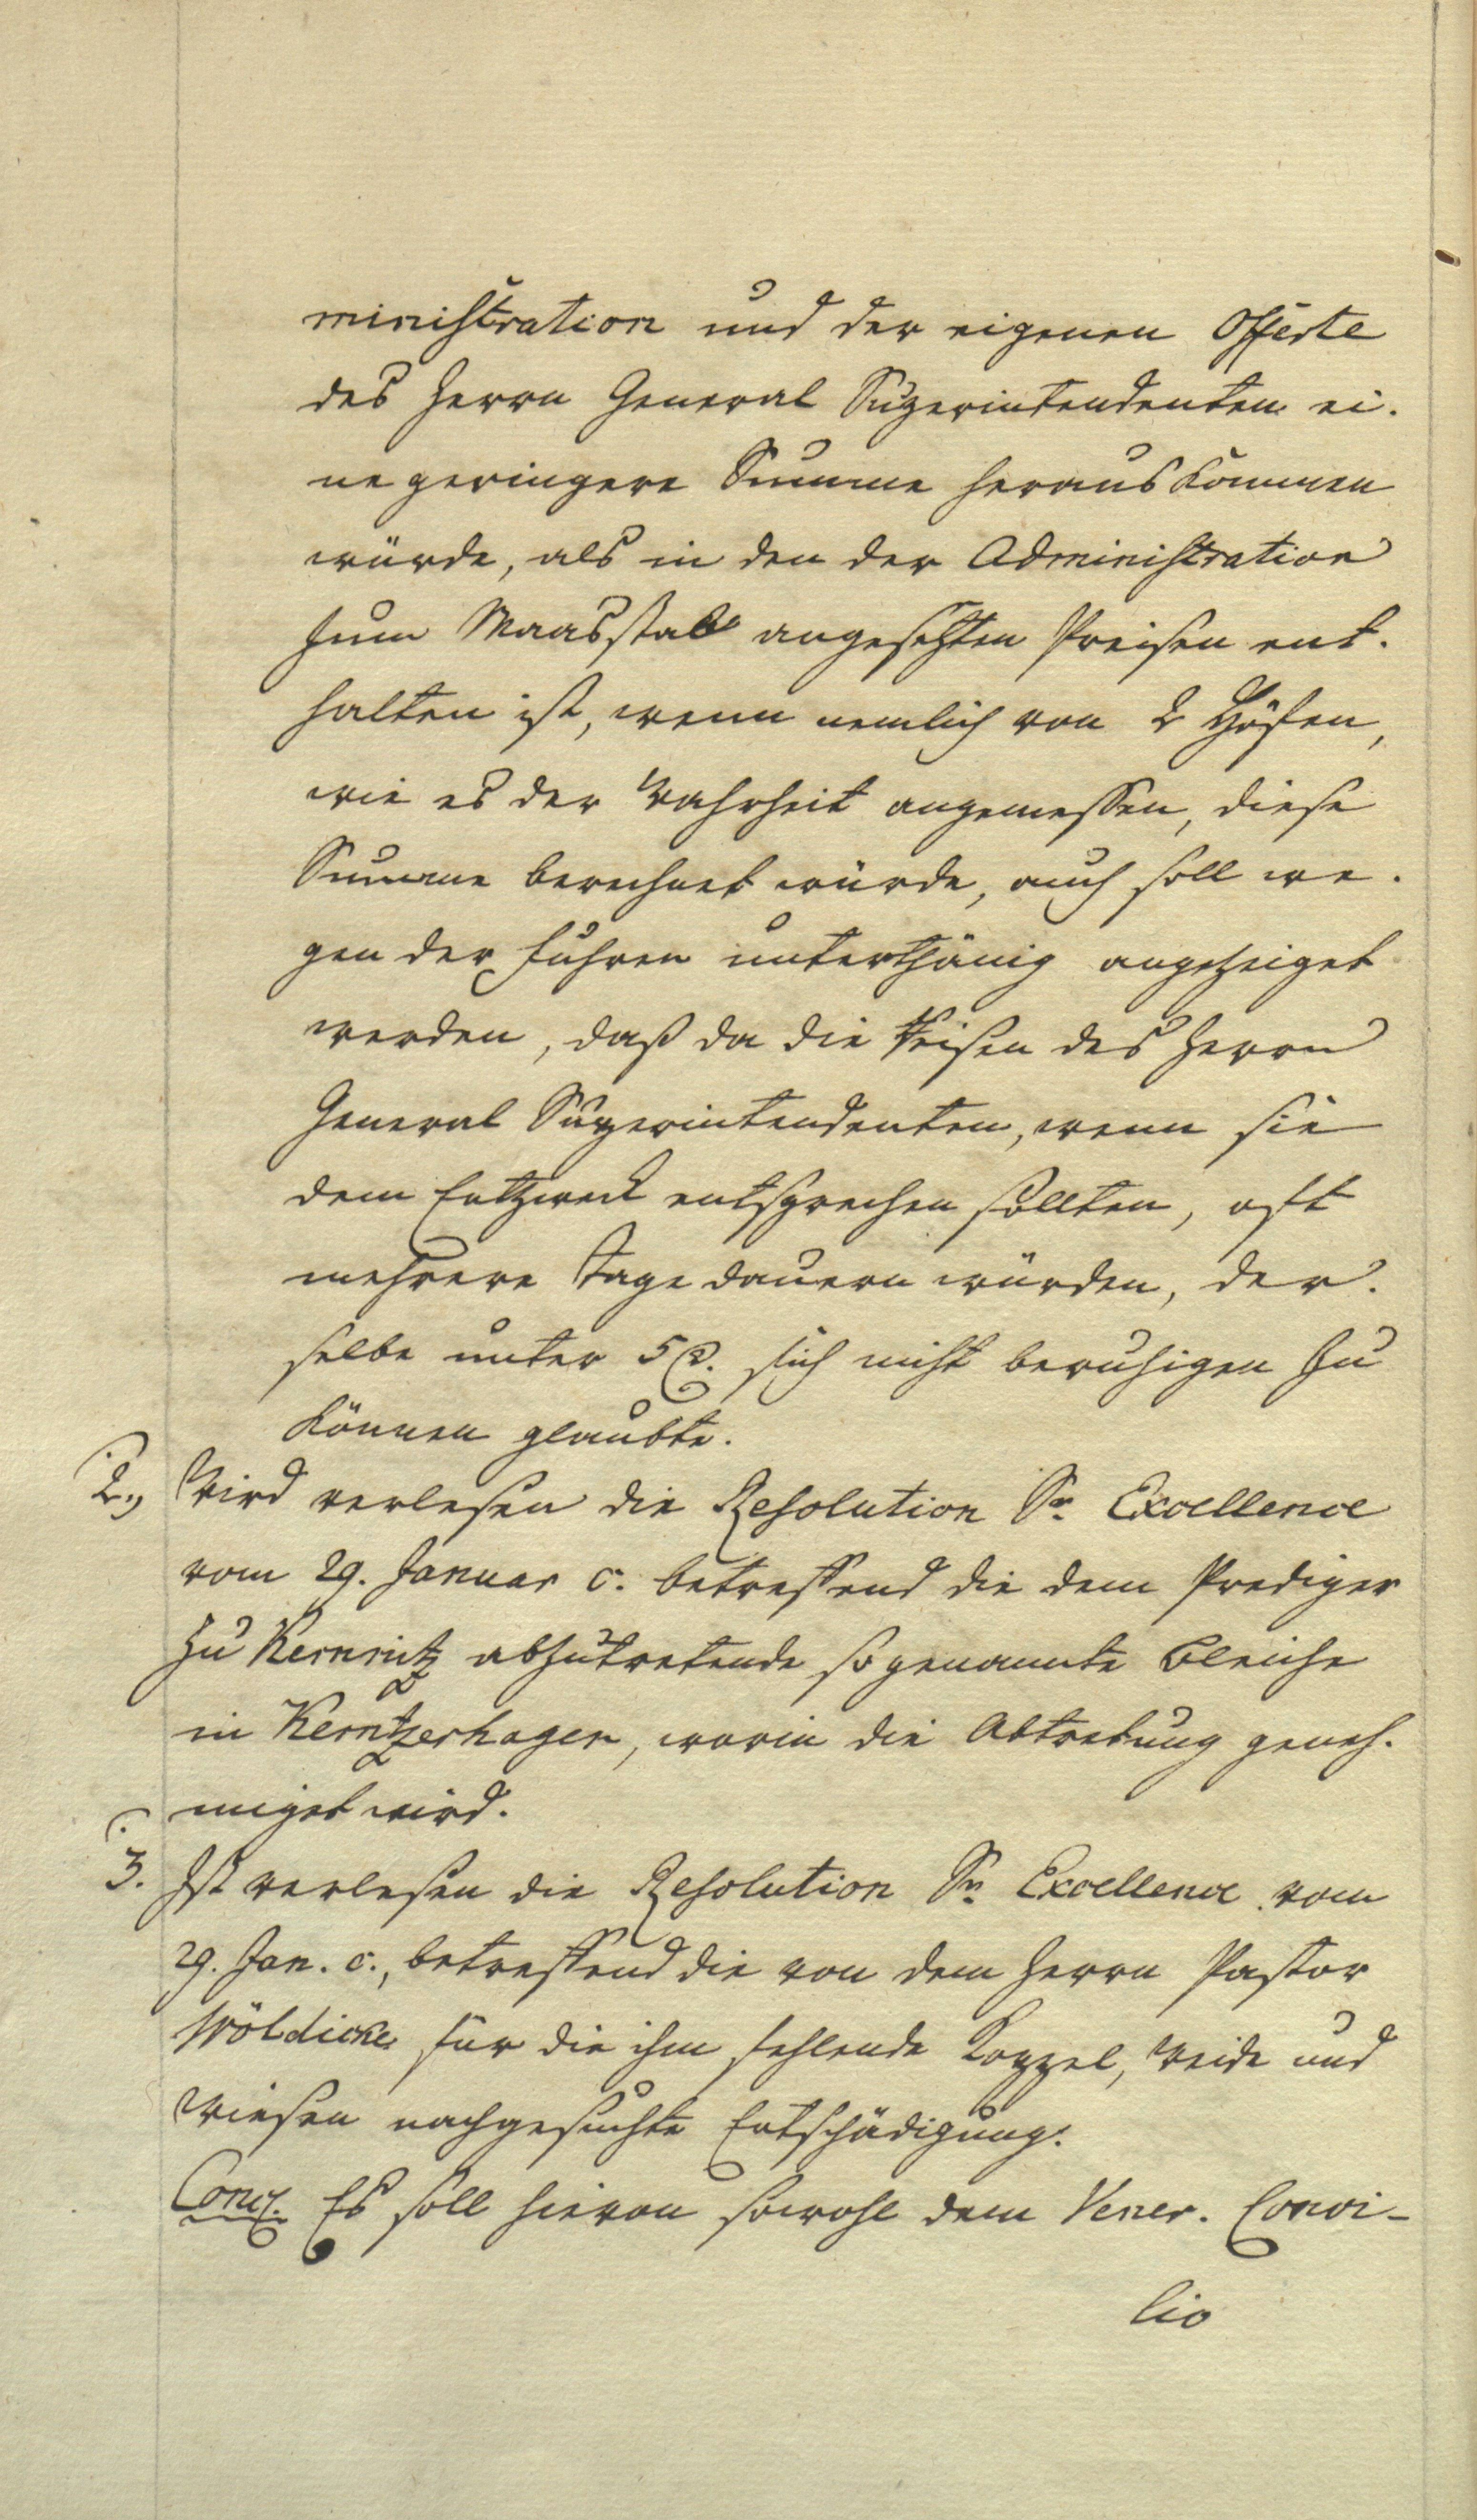ministration und der eigenen Offerte
des Herrn General Superintendenten ei¬
ne geringere Summe herauskommen
würde, als in den der Administration
zum Maasstab angesetzten Preisen ent¬
halten ist, wenn nemlich von 2 Höfen,
wie es der Wahrheit angemessen, diese
Summe berechnet würde, auch soll we¬
gen der Fuhren unterthänig angezeiget
werden, daß da die Reisen des Herrn
General Superintendenten, wenn sie
dem Entzweck entsprechen sollten, oft
mehrere Tage dauern würden, der¬
selbe unter 5 l. sich nicht beruhigen zu
können glaubte.
2., Wird verlesen die Resolution Sr Excellence
vom 29. Januar c. betreffend die dem Prediger
zu Kemnitz abzutretende so genannte Bleiche
im Kemtzerhagen, worin die Abtretung geneh¬
miget wird.
3. Ist verlesen die Resolution Sr Excellence vom
29 Jan. c. betreffend die von dem Herrn Pastor
Wöldicke für die ihm fehlende Koppel, Weide und
Wiesen nachgesuchte Entschädigung.
Concl. Es soll hievon sowohl dem Vener. Conci¬
lio